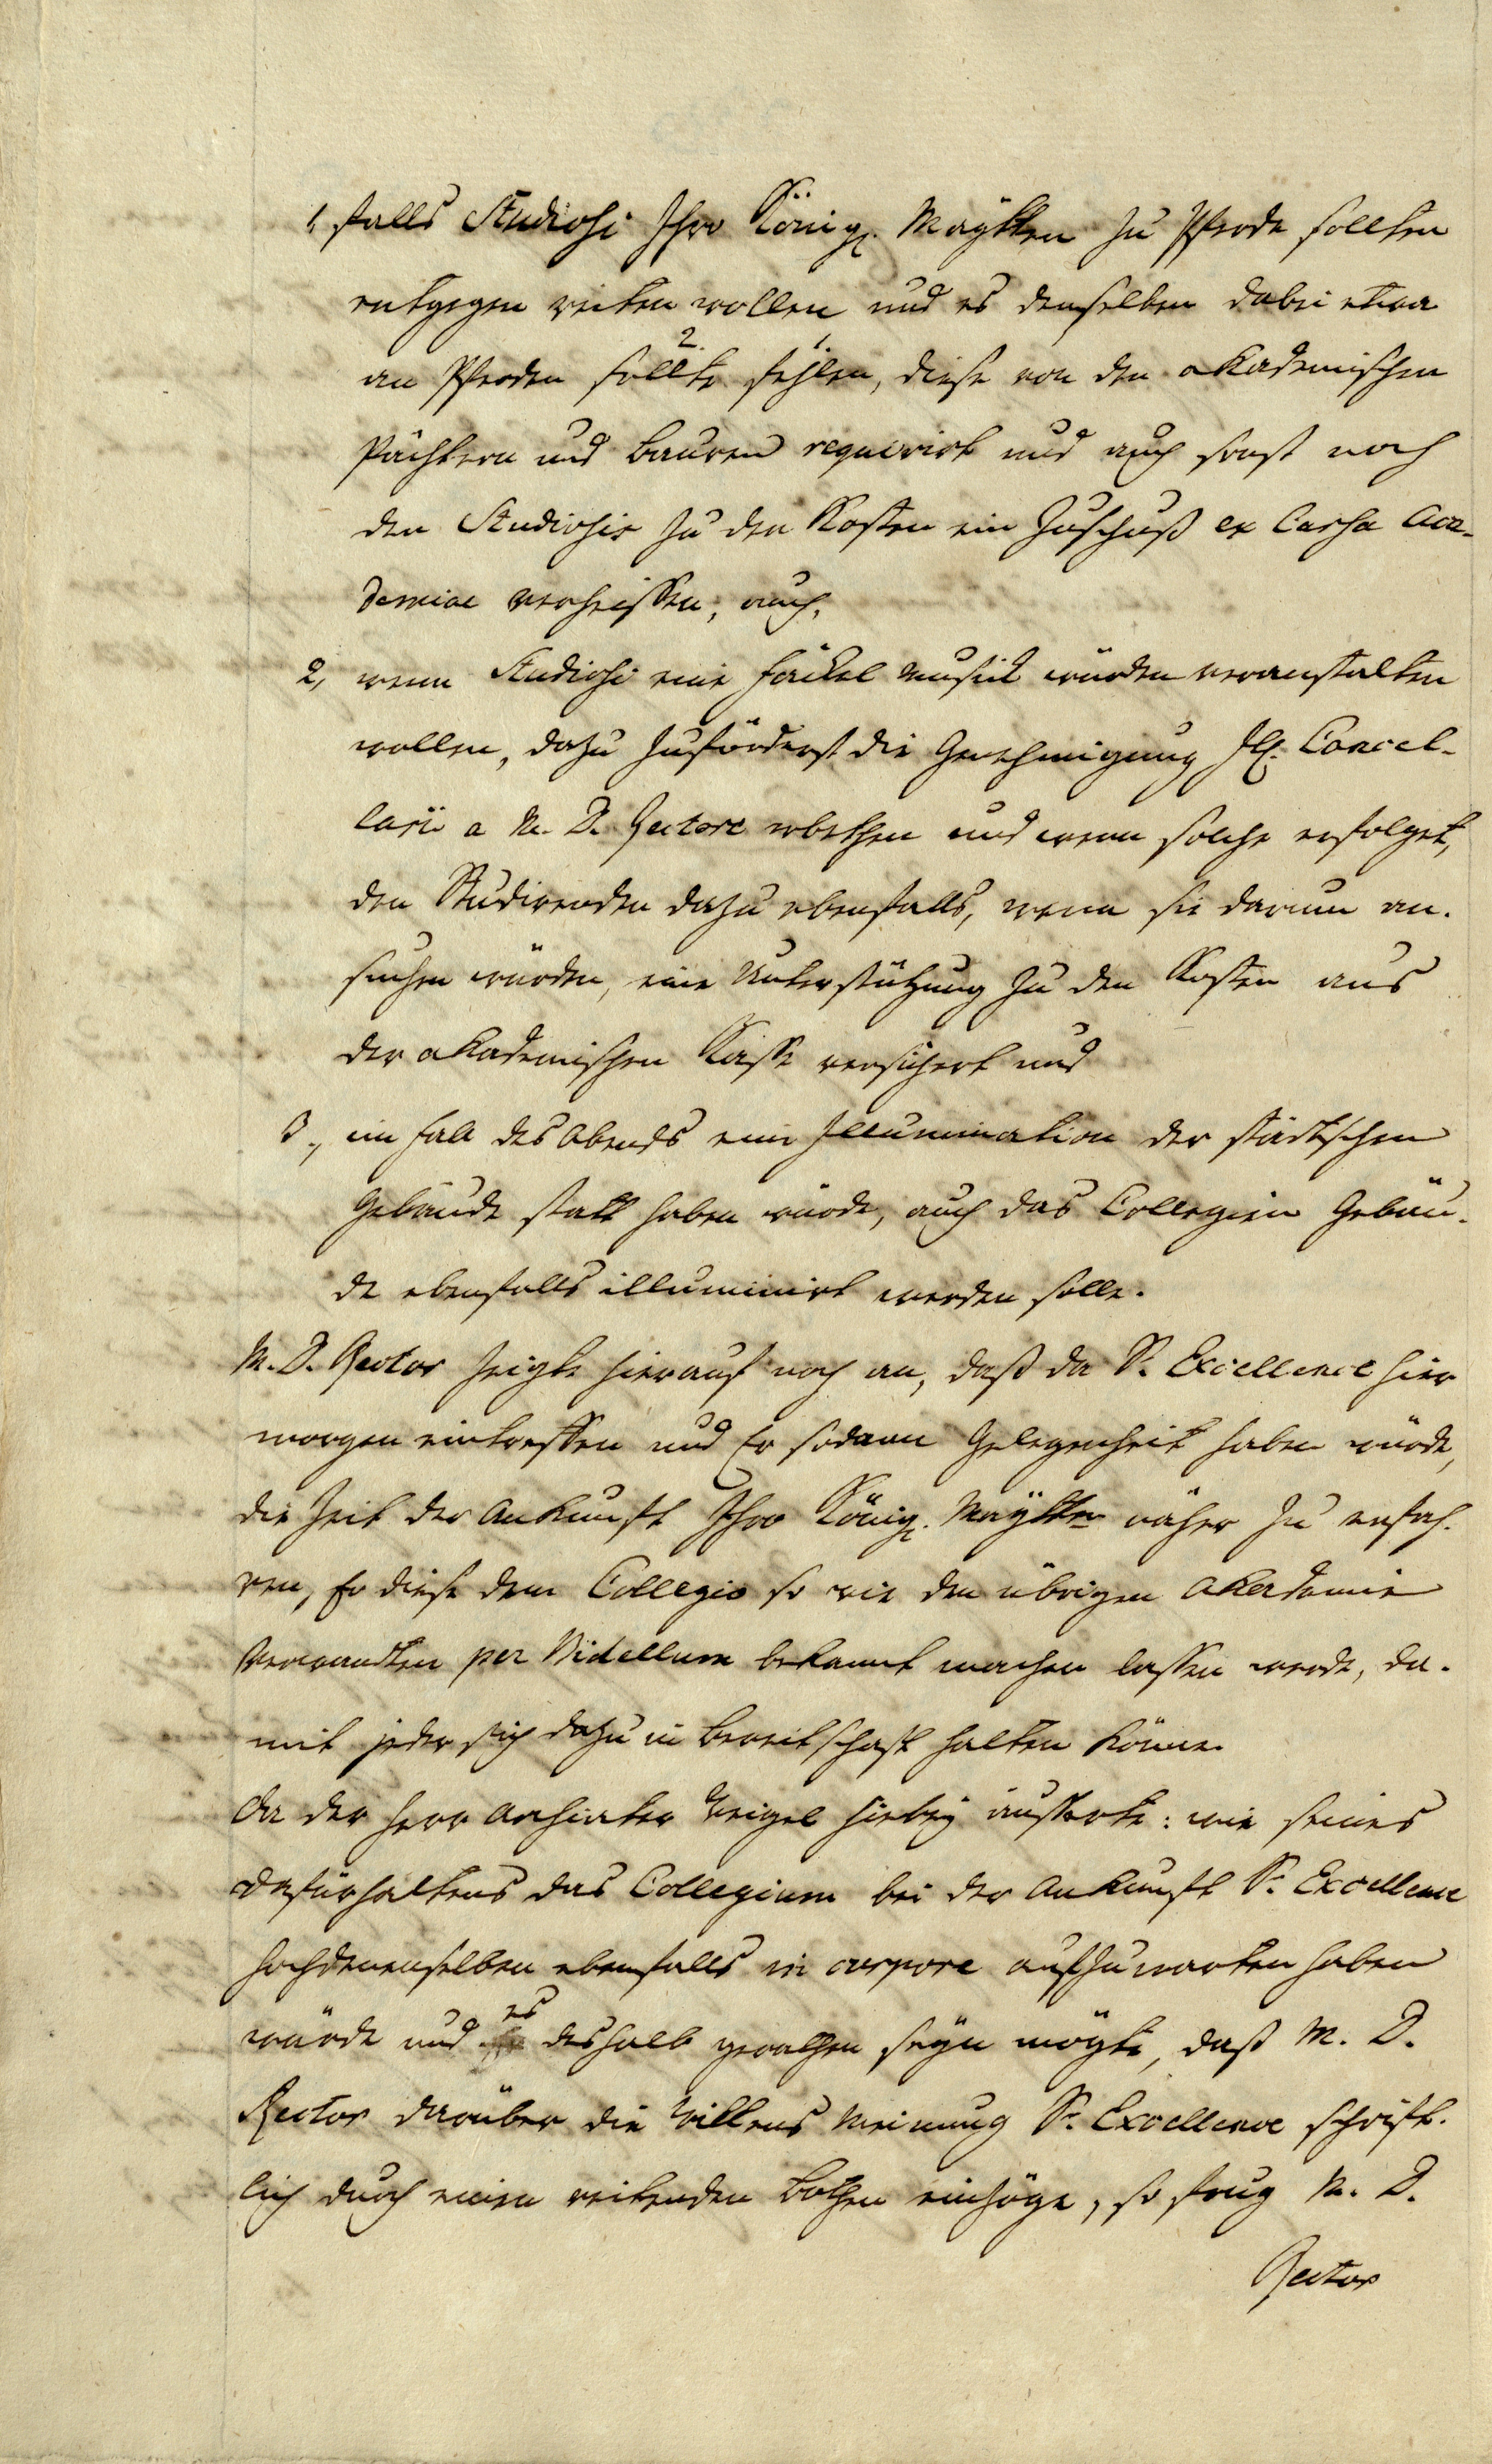1, falls Studiosi Ihre König. Maÿtten zu Pferde sollten
entgegen reiten wollen und es denselben dabei etwa
an Pferden sollte fehlen, diese von den akademischen
Pächtern und Bauren requirirt und auch sonst noch
den Studiosis zu den Kosten ein Zuschuß ex Cassa Aca¬
demiae verheissen, auch
2, wenn Studiosi eine Fackelmusick würden veranstalten
wollen, dazu zuförderst die Genehmigung Ill. Cancel¬
larii a M. D. Rectore erbethen und wenn solche erfolget,
den Studirenden dazu ebenfalls, wenn sie darum an¬
suchen würden, eine Unterstützung zu den Kosten aus
der akademischen Kasse versichert und
3, im Fall des Abends eine Illumination der städtischen
Gebäude statt haben würde, auch das Collegien Gebäu¬
de ebenfalls illuminirt werden solle.
M. D. Rector zeigte hierauf noch an, daß da Sr Excellence hier
morgen eintreffen und Er sodann Gelegenheit haben würde,
die Zeit der Ankunft Ihro König. Maÿtten näher zu erfah¬
ren, Er diese dem Collegio so wie den übrigen Akademie
Verwandten per Bidellum bekannt machen lassen werde, da¬
mit jeder sich dazu in Bereitschaft halten könne.
Da der Herr Archiater Weigel hiebeÿ äusserte: wie seines
dafürhaltens das Collegium bei der Ankunft Sr Excellence
hochdenenselben ebenfalls in corpore aufzuwarten haben
würde und es deshalb gerathen seÿn mögte, daß M. D.
Rector darüber die Willens Meinung Sr Excellence schrift¬
lich durch einen reitenden Bothen einzöge, so frug M. D.
Rector